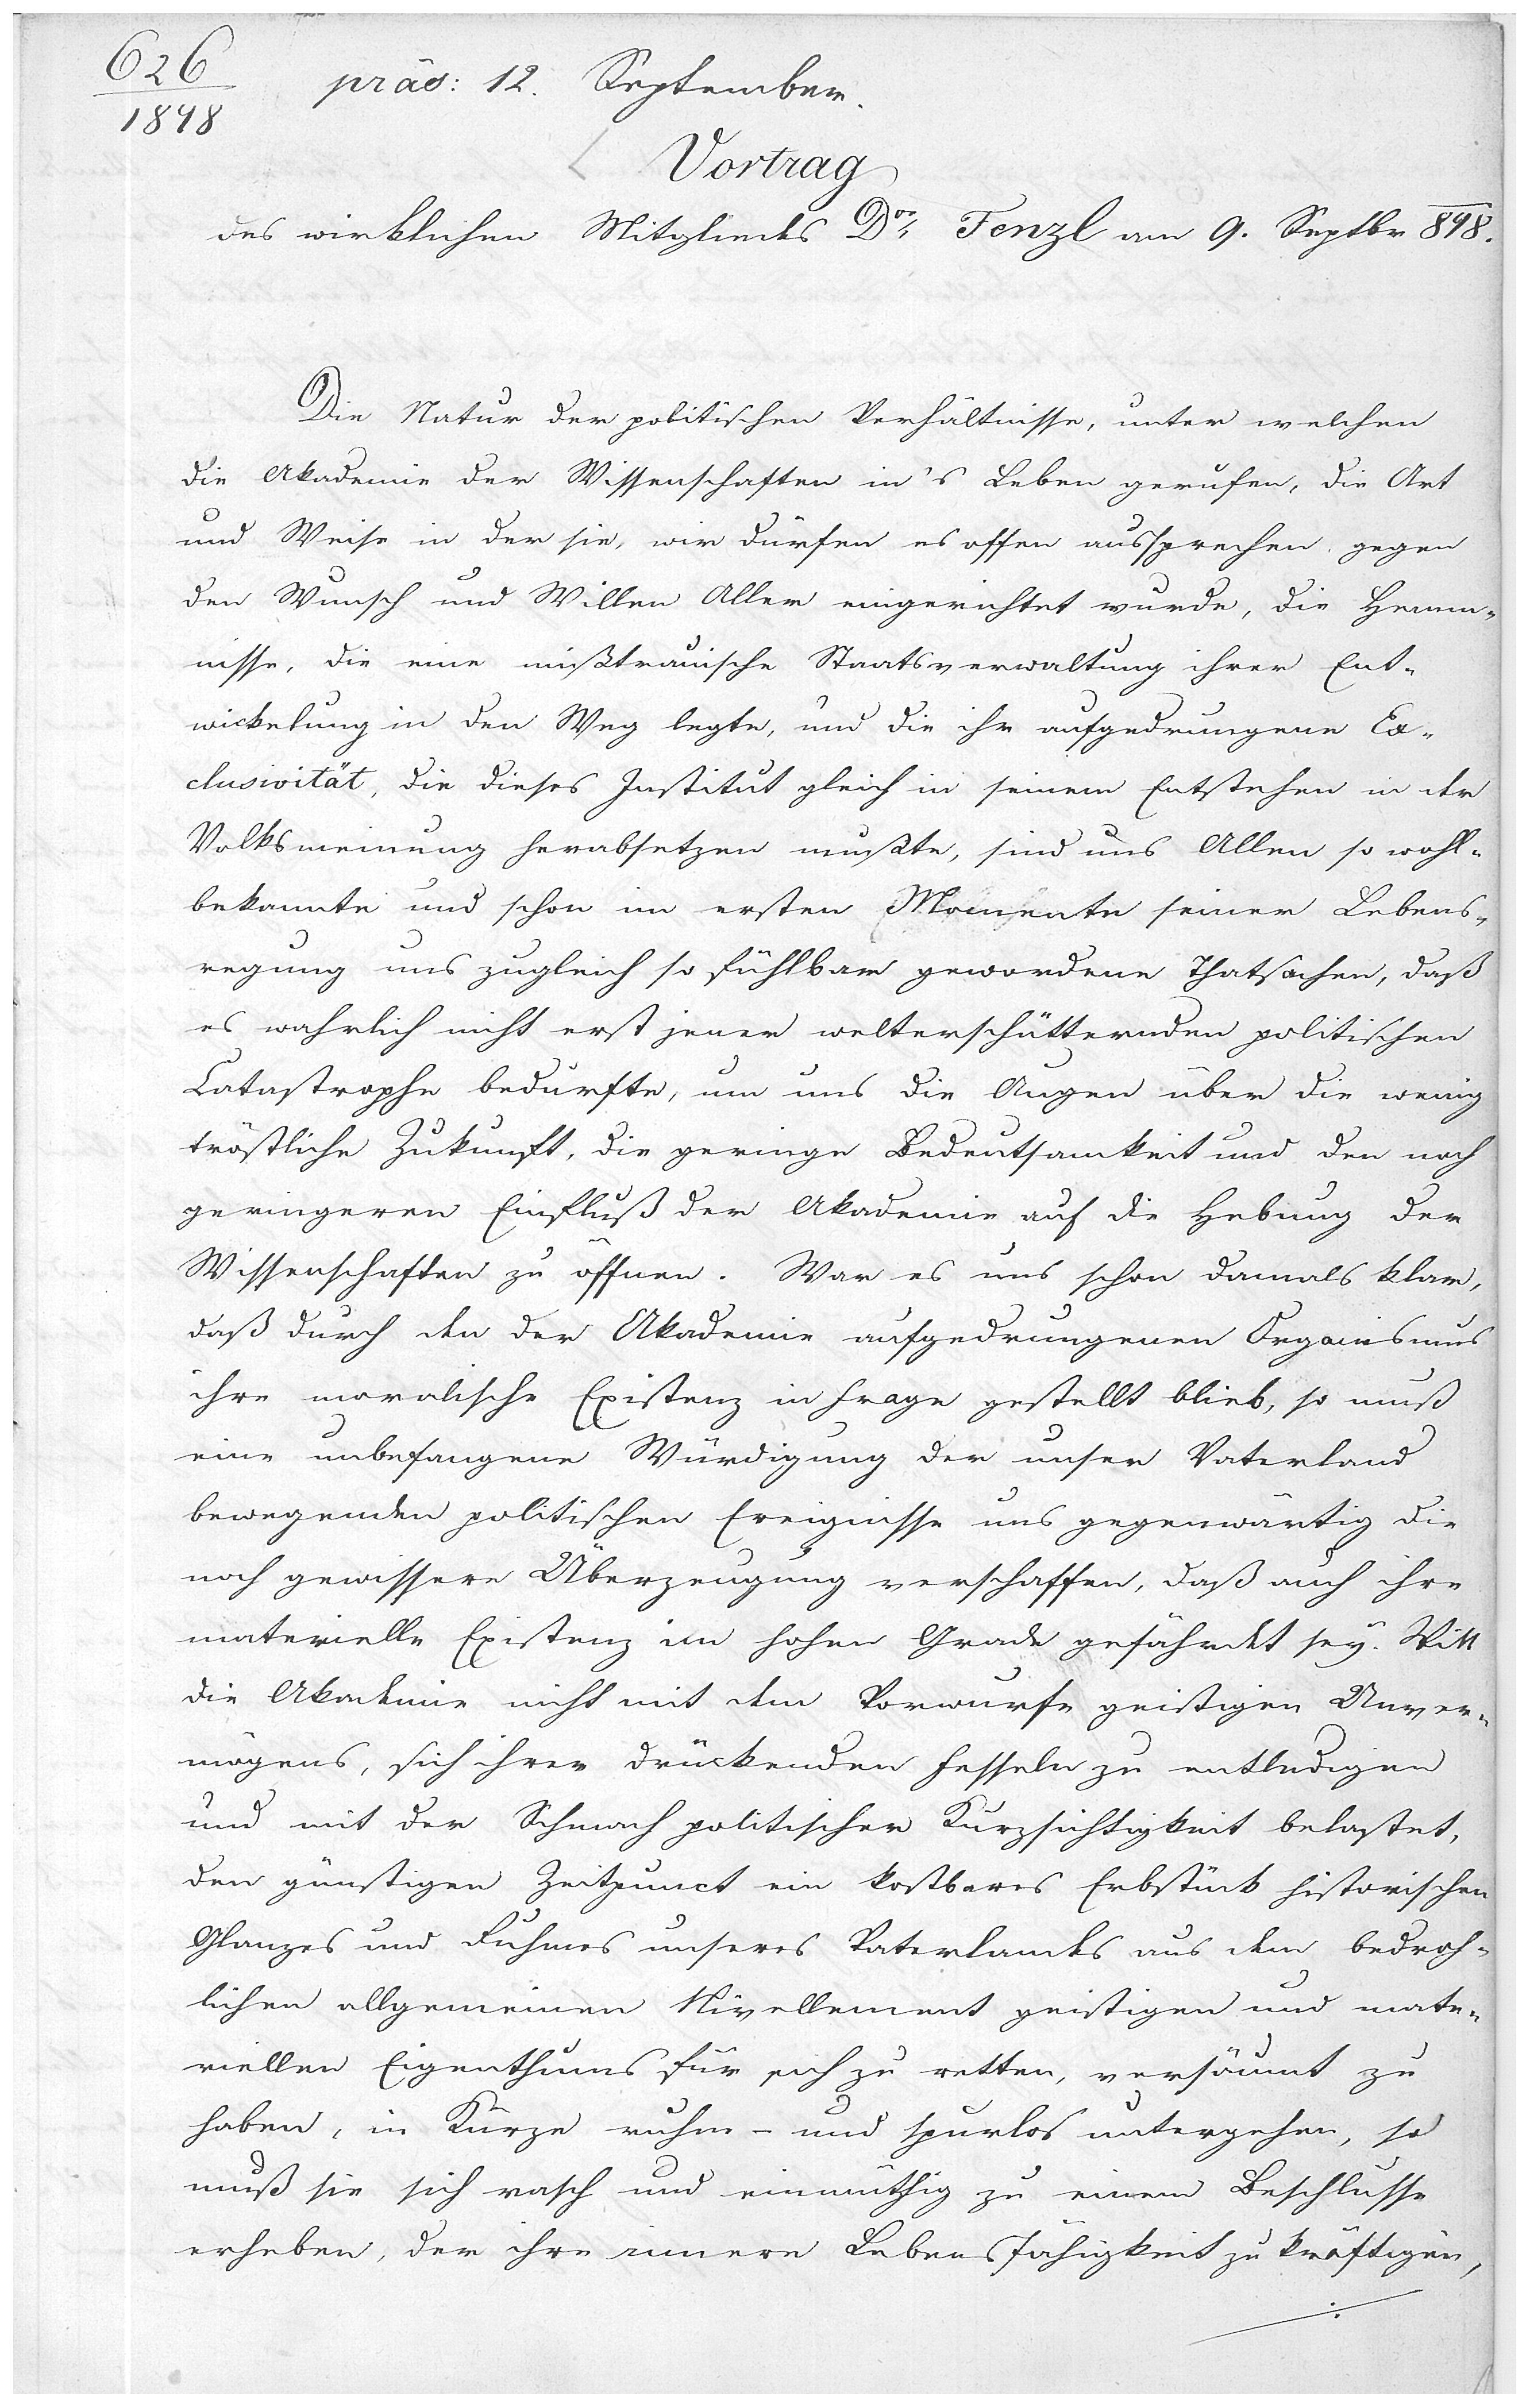626
1848
präs: 12. September.
Vortrag
des wirklichen Mitgliedes Dr. Fenzl am 9. Septbr 848.
Die Natur der politischen Verhältnisse, unter welchen
die Akademie der Wissenschaften in's Leben gerufen, die Art
und Weise in der sie, wir dürfen es offen aussprechen, gegen
den Wunsch und Willen Aller eingerichtet wurde, die Hemm-
nisse, die eine mißtrauische Staatsverwaltung ihrer Ent-
wickelung in den Weg legte, und die ihr aufgedrungene Ex-
clusivität, die dieses Institut gleich in seinen Entstehen in der
Volksmeinung herabsetzen mußte, sind uns Allen so wohl-
bekannte und schon im ersten Monate seiner Lebens-
regung und zugleich so fühlbar gewordene Thatsachen, daß
es wahrlich nicht erst jener welterschütternden politischen
Catastraphe bedurfte, um uns die Augen über die wenig
tröstliche Zukunft, die geringe Bedeutsamkeit und den noch
geringeren Einfluß der Akademie auf die Hebung der
Wissenschaften zu öffnen. War es uns schon damals klar,
daß durch den der Akademie aufgedrungenen Organismus
ihre moralische Existenz in Frage gestellt blieb, so muß
eine unbefangene Würdigung der unser Vaterland
bewegenden politischen Ereignsse uns gegenwärtig die
noch gewissere Überzeugung verschaffen, daß auch ihre
materielle Existenz und hohen Grade gefährdet sey. Will
die Akademie nicht mit dem Vorwurfe geistigen Unver-
mögens, sich ihrer drückenden Fesseln zu entledigen
und mit der Schmach politischer Kurzsichtigkeit belastet,
den günstigen Zeitpunct ein kostbares Erbstück historischen
Glanzes und Ruhmes unseres Vaterlandes aus dem bedroh-
lichen allgemeinen Nivellement geistigen und mate-
riellen Eigenthums für sich zu retten, versäumt zu
haben, in Kürze ruhm- und spurlos untergehen, so
muß sie sich rasch und einmüthig zu einem Beschlusse
erheben, der ihre immer Lebensfähigkeit zu kräftigen,